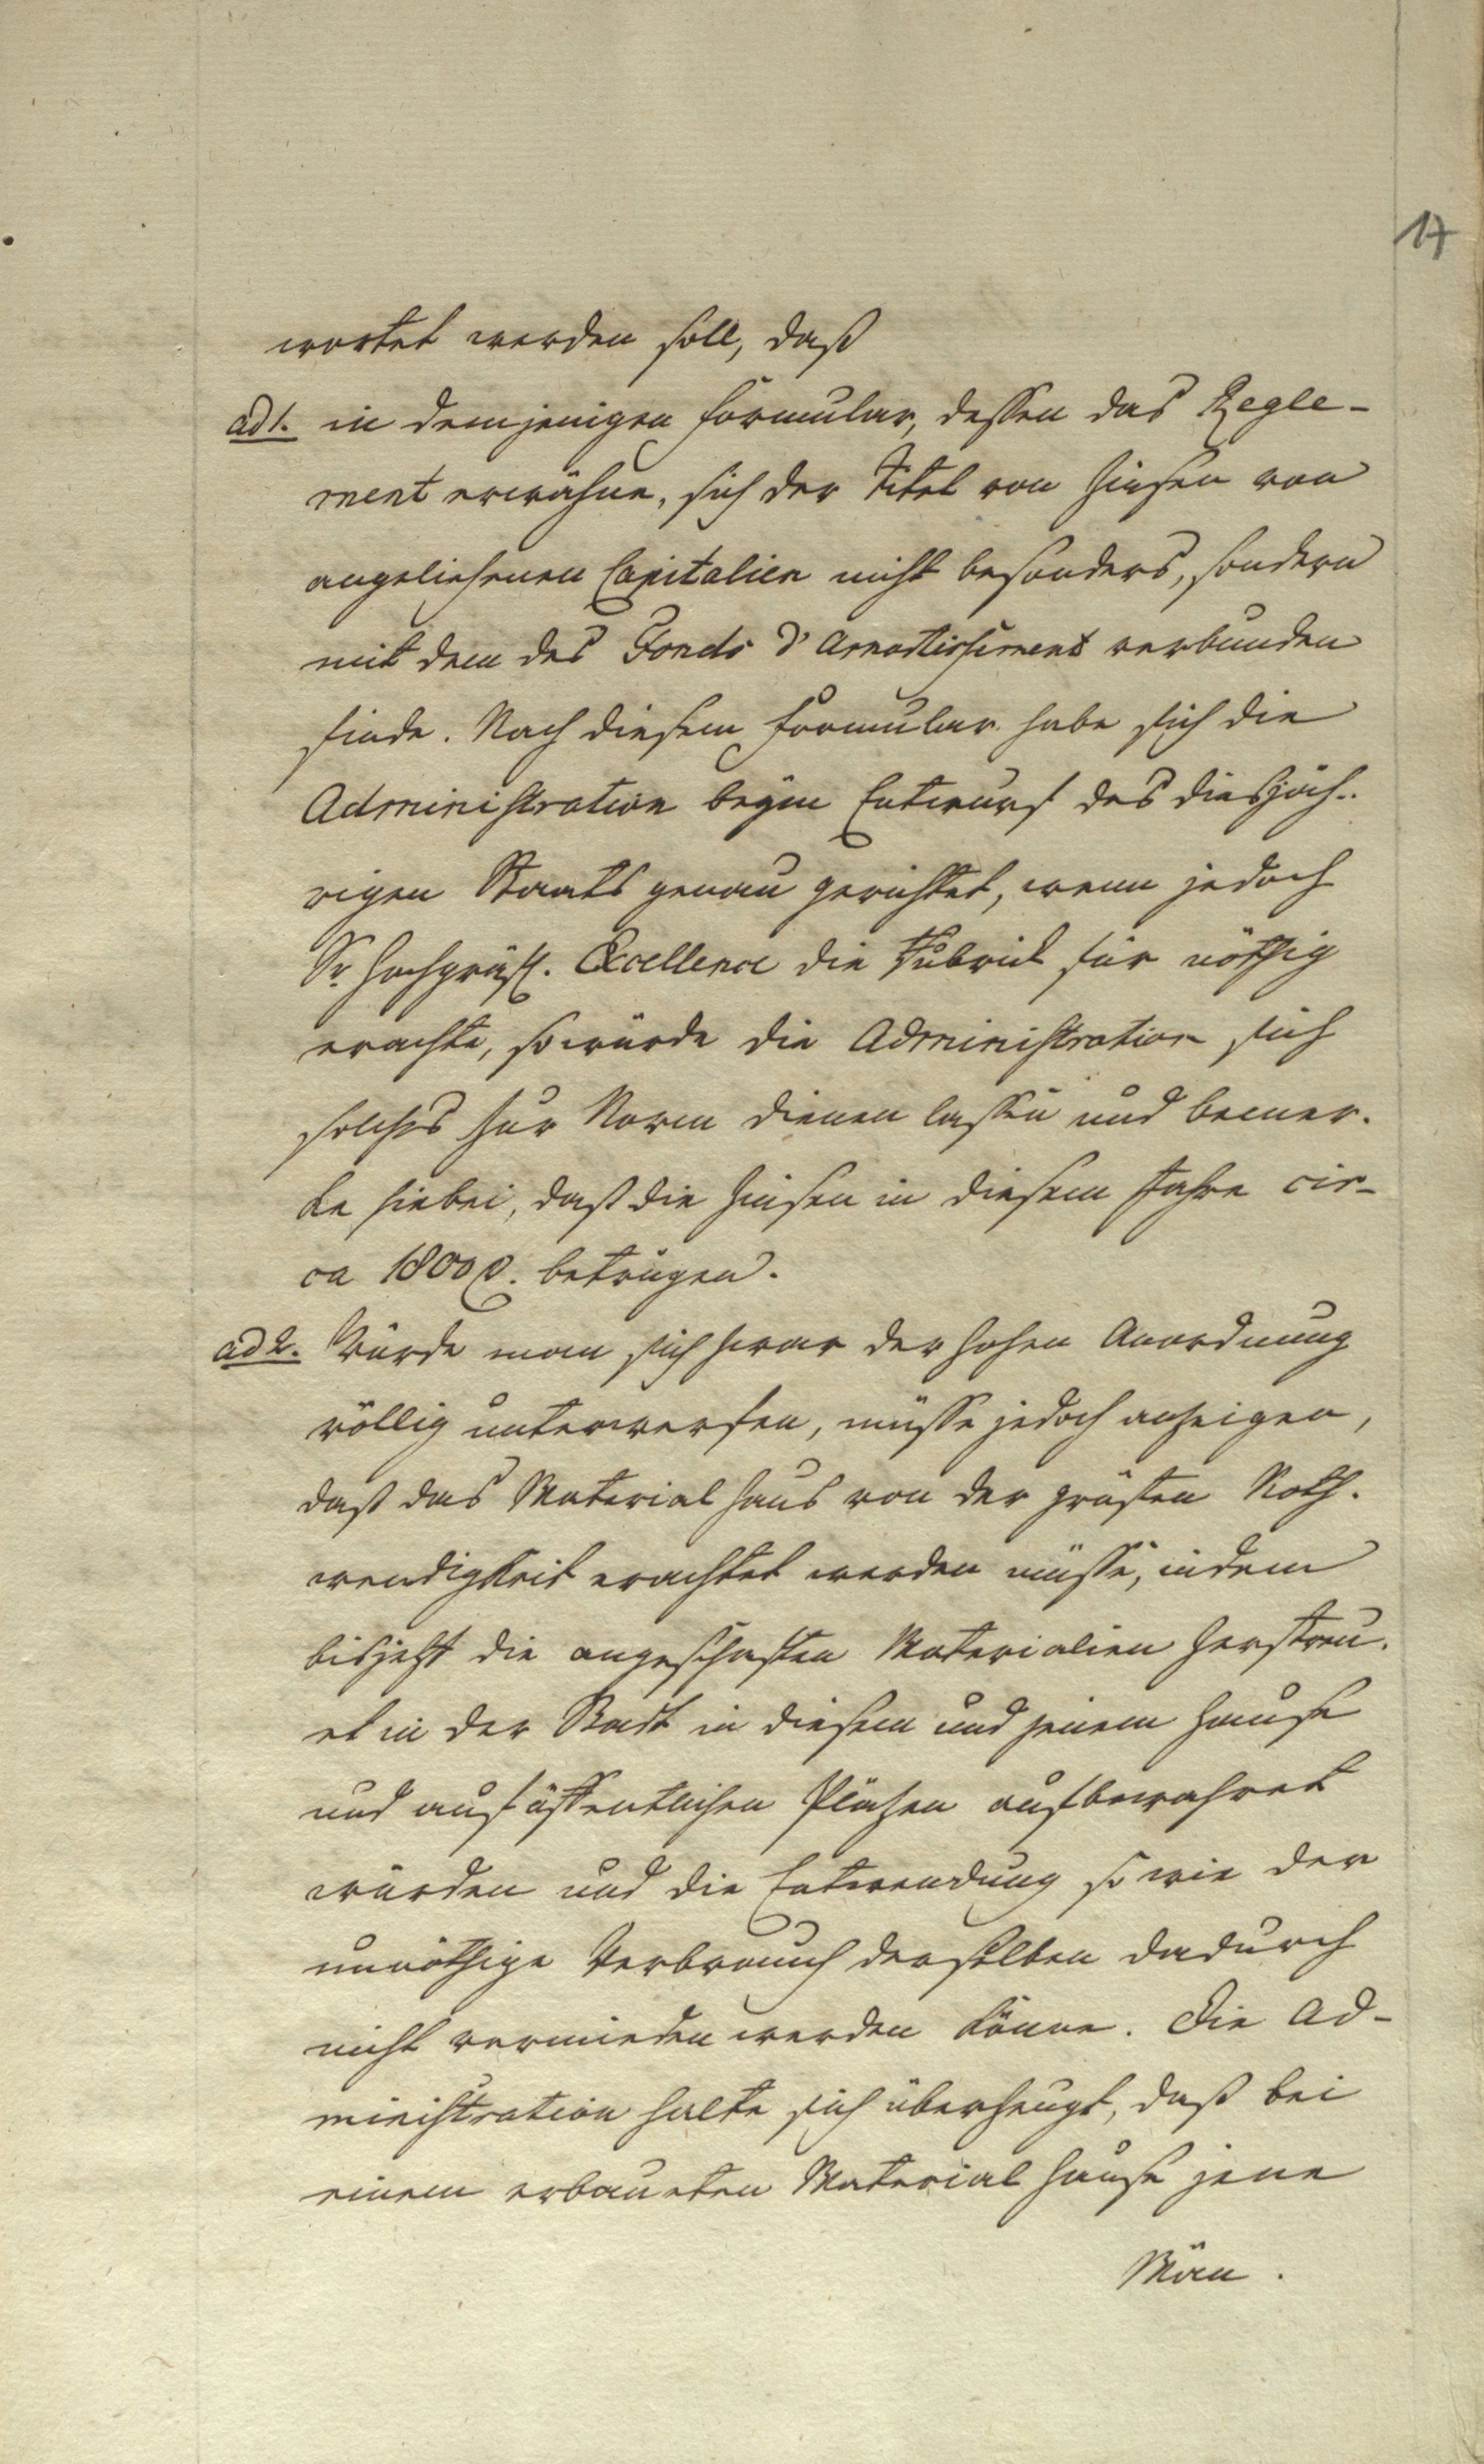wortet werden soll, daß
ad1. in demjenigen Formular, dessen das Regle¬
ment erwähne, sich der Titel von Zinsen von
angeliehenen Capitalien nicht besonders, sondern
mit dem des Fonds d'Armortissement verbunden
finde. Nach diesem Formular habe sich die
Administration beym Entwurf des diesjäh¬
rigen Staats genau gerichtet, wenn jedoch
Sr. Hochgräfl. Excellence die Rubrik für nöthig
erachte, so würde die Administration sich
solches zur Norm dienen lassen und bemer¬
ke hiebei, daß die Zinsen in desem Jahre cir¬
ca 1800 rtl. betrügen.
ad 2. Würde man sich zwar der hohen Anordnung
völlig unterwerfen, müsse jedoch anzeigen,
daß das Materialhaus von der grösten Noth¬
wendigkeit erachtet werden müsse, indem
bis jetzt die angeschafften Materialien zerstreu¬
et in der Stadt in diesem und jenem Hause
und auf öffentlichen Plätzen aufbewahret
würden und die Entwendung so wie der
unnöthige Verbrauch derselben dadurch
nicht vermieden werden könne. Die Ad¬
ministration halte sich überzeugt, daß bei
einem erbaueten Materialhause jene
Män